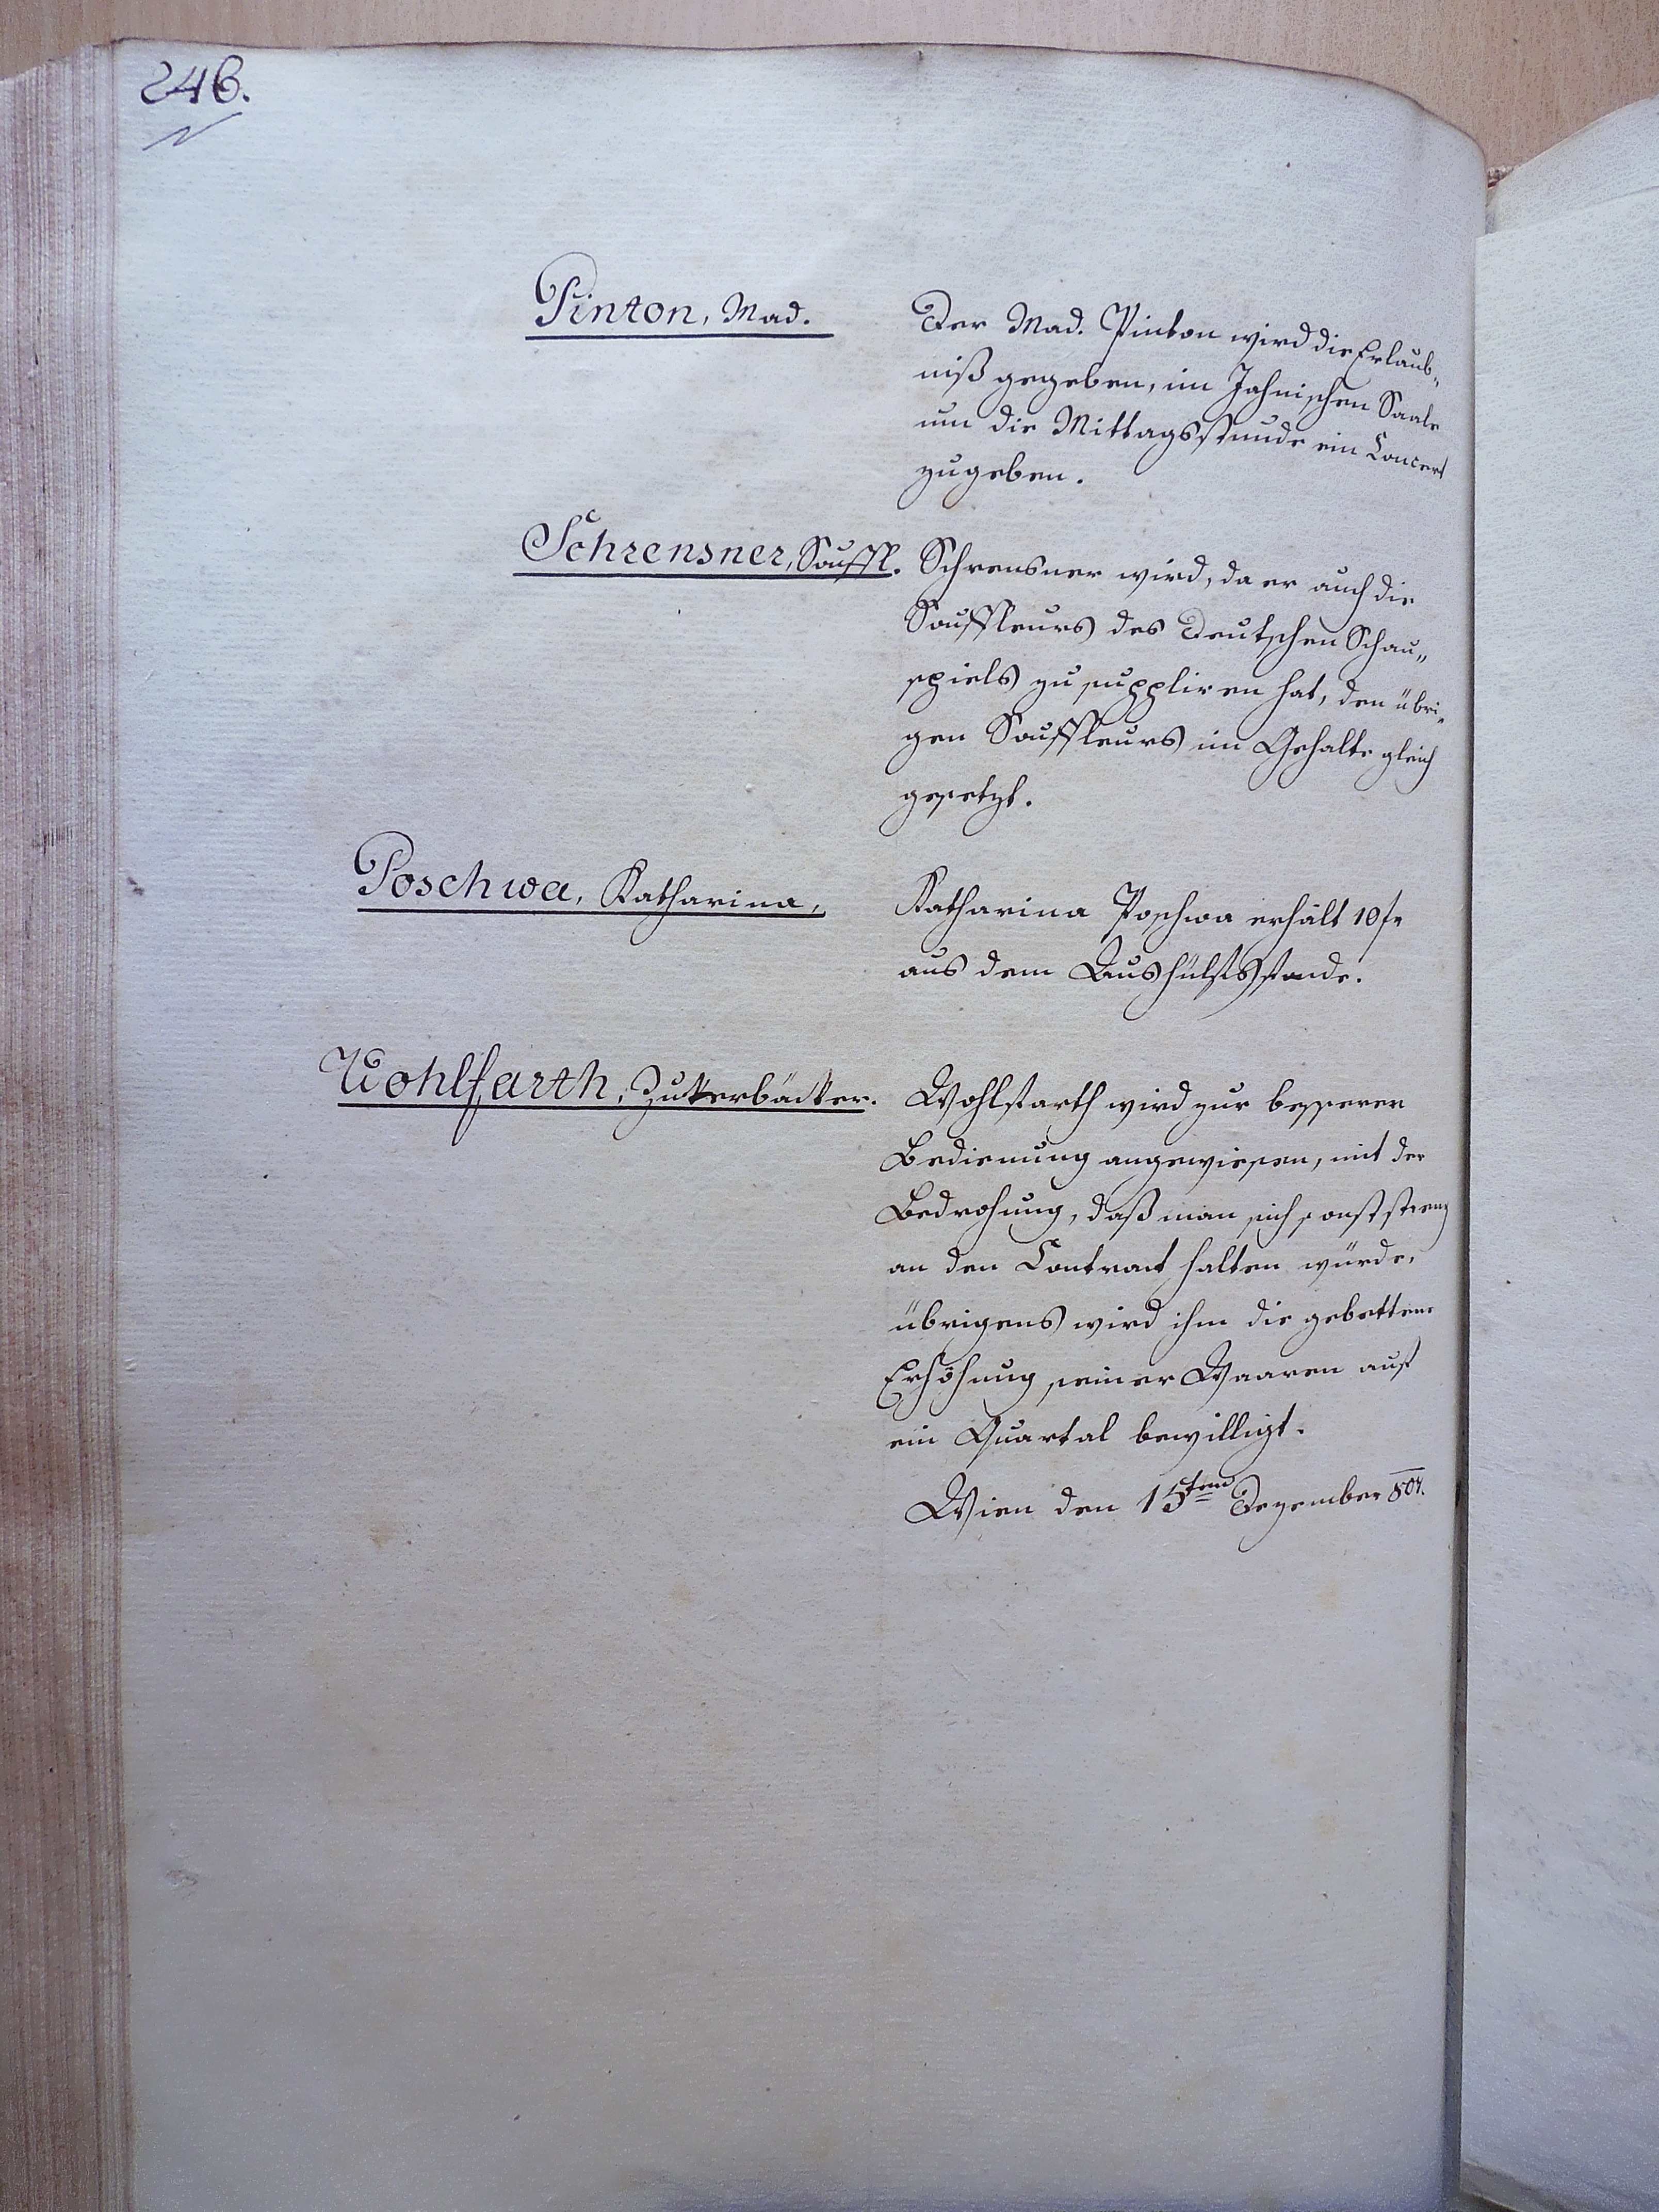246.
Pinton, Mad. Der Mad. Pinton wird die Erlaub¬
niß gegeben, im Jahnischen Saale
um die Mittagsstunde ein Concert
zugeben.
Schrensner, Souffl. Schrensner wird, da er auch die
Souffleurs des Deutschen Schau¬
spiels zu suppliren hat, den übri¬
gen Souffleurs im Gehalte geich
gesetzt.
Poschwa, Katharina, Katharina Poschwa erhält 10fr.
aus dem Aushülfsfonde.
Wohlfarth, Zuckerbäcker. Wohlfarth wird zur besseren
Bdienung angewiesen, mit der
Bedrohung, daß man sich sonst streng
an den Contract halten würde,
übrigens wird ihm die gebettene
Erhöhung, seiner Waaren auf
ein Quartal bewilligt.
Wien den 15te͇n Dezember 8͞0͞7.